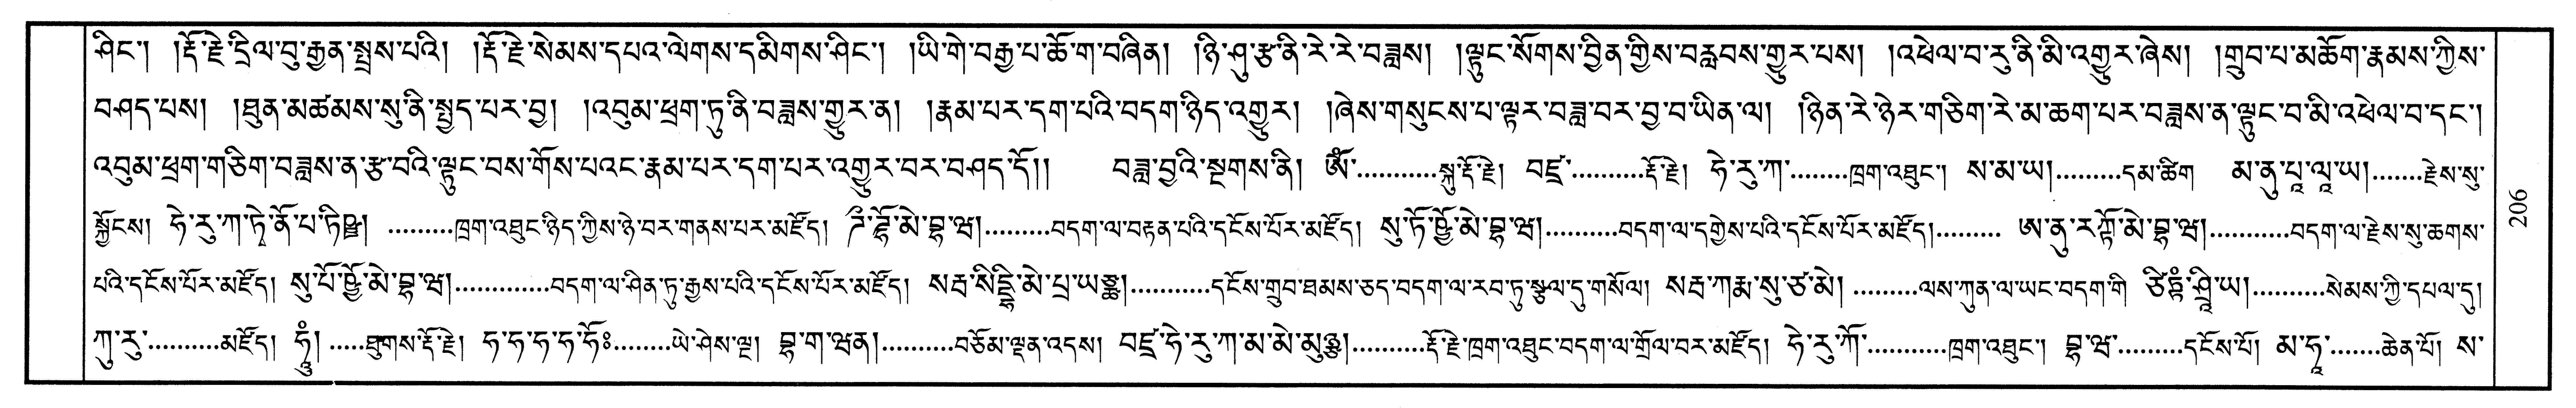ཤིང་། །རྡོ་རྗེ་དྲིལ་བུ་རྒྱན་སྤྲས་པའི། །རྡོ་རྗེ་སེམས་དཔའ་ལེགས་དམིགས་ཤིང་། །ཡི་གེ་བརྒྱ་པ་ཆོ་ག་བཞིན། །ཉི་ཤུ་རྩ་ནི་རེ་རེ་བཟླས། །ལྟུང་སོགས་བྱིན་གྱིས་བརླབས་གྱུར་པས། །འཕེལ་བ་རུ་ནི་མི་འགྱུར་ཞེས། །གྲུབ་པ་མཆོག་རྣམས་ཀྱིས་
བཤད་པས། །ཐུན་མཚམས་སུ་ནི་སྤྱད་པར་བྱ། །འབུམ་ཕྲག་ཏུ་ནི་བཟླས་གྱུར་ན། །རྣམ་པར་དག་པའི་བདག་ཉིད་འགྱུར། །ཞེས་གསུངས་པ་ལྟར་བཟླ་བར་བྱ་བ་ཡིན་ལ། །ཉིན་རེ་ཉེར་གཅིག་རེ་མ་ཆག་པར་བཟླས་ན་ལྟུང་བ་མི་འཕེལ་བ་དང་།
འབུམ་ཕྲག་གཅིག་བཟླས་ན་རྩ་བའི་ལྟུང་བས་གོས་པའང་རྣམ་པར་དག་པར་འགྱུར་བར་བཤད་དོ།། བཟླ་བྱའི་སྔགས་ནི། ཨོཾ་སྐུ་རྡོ་རྗེ། བཛྲ་རྡོ་རྗེ། ཧེ་རུ་ཀ་ཁྲག་འཐུང་། ས་མ་ཡ། དམ་ཚིག་མ་ནུ་པཱ་ལཱ་ཡ། རྗེས་སུ་
སྐྱོངས། ཧེ་རུ་ཀ་ཏྭེ་ནོ་པ་ཏིཥཊཿཨ། ཁྲག་འཐུང་ཉིད་ཀྱིས་ཉེ་བར་གནས་པར་མཛོད། ཌི་ཌྷོ་མེ་བྷ་ཝ། བདག་ལ་བརྟན་པའི་དངོས་པོར་མཛོད། སུ་ཏོ་ཥྱོ་མེ་བྷ་ཝ། བདག་ལ་དགྱེས་པའི་དངོས་པོར་མཛོད། ཨ་ནུ་རཀྟོ་མེ་བྷ་ཝ། བདག་ལ་རྗེས་སུ་ཆགས་
པའི་དངོས་པོར་མཛོད། སུ་པོ་ཥྱོ་མེ་བྷ་ཝ། བདག་ལ་ཤིན་ཏུ་རྒྱས་པའི་དངོས་པོར་མཛོད། སརྦ་སིདྡྷི་མེ་པྲ་ཡཙྪ། དངོས་གྲུབ་ཐམས་ཅད་བདག་ལ་རབ་ཏུ་སྩལ་དུ་གསོལ། སརྦ་ཀརྨ་སུ་ཙ་མེ། ལས་ཀུན་ལ་ཡང་བདག་གི་ཙིཏྟཾ་ཤྲཱི་ཡ། སེམས་ཀྱི་དཔལ་དུ།
ཀུ་རུ་མཛོད། ཧཱུཾ། ཐུགས་རྡོ་རྗེ། ཧ་ཧ་ཧ་ཧ་ཧོཿ ཡེ་ཤེས་ལྔ། བྷ་ག་ཝན། བཅོམ་ལྡན་འདས། བཛྲ་ཧེ་རུ་ཀ་མ་མེ་མུཉྩ། རྡོ་རྗེ་ཁྲག་འཐུང་བདག་ལ་གྲོལ་བར་མཛོད། ཧེ་རུ་ཀོ་ཁྲག་འཐུང་། བྷ་ཝ་དངོས་པོ། མ་ཧཱ་ཆེན་པོ། ས་